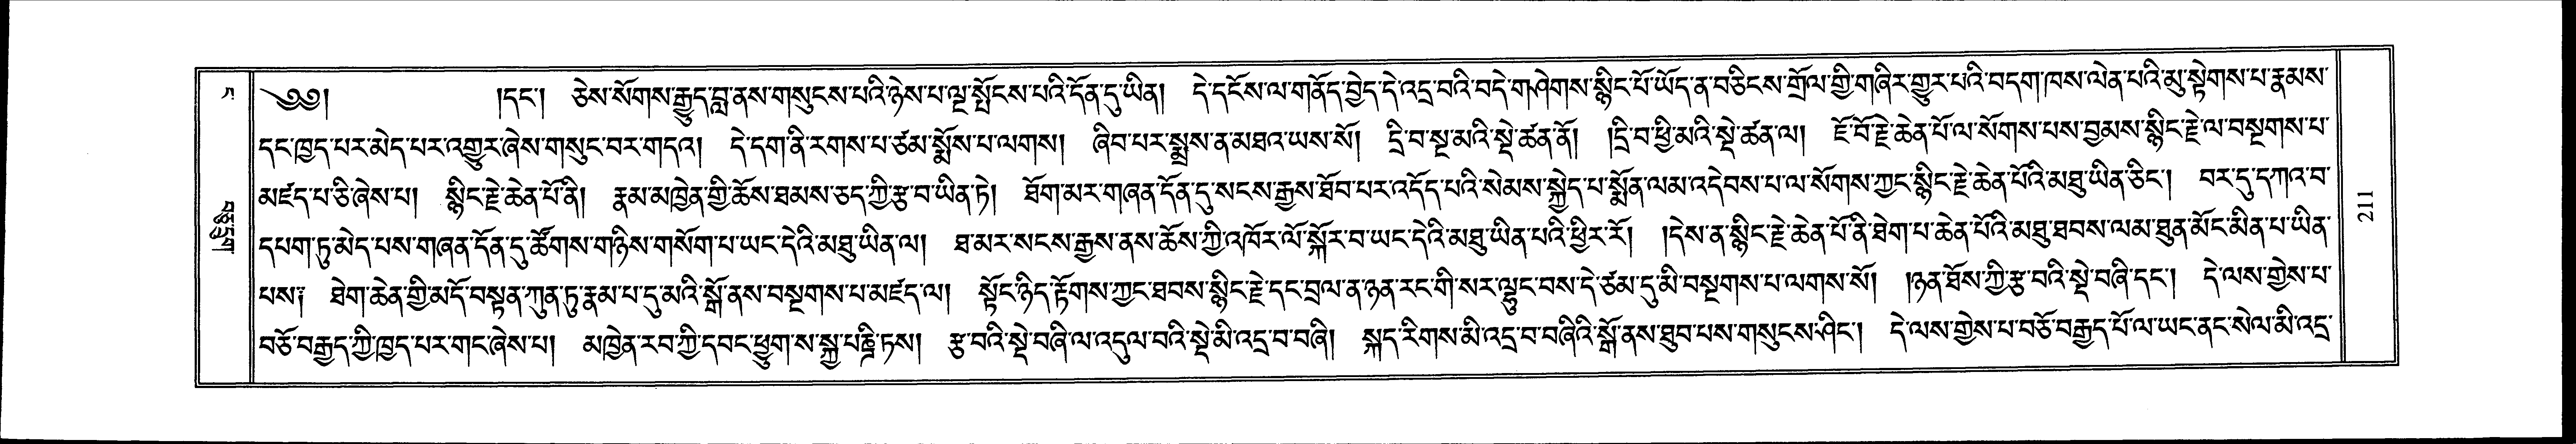༄༅། །དང་། ཅེས་སོགས་རྒྱུད་བླ་ནས་གསུངས་པའི་ཉེས་པ་ལྔ་སྤོངས་པའི་དོན་དུ་ཡིན། དེ་དངོས་ལ་གནོད་བྱེད་དེ་འདྲ་བའི་བདེ་གཤེགས་སྙིང་པོ་ཡོད་ན་བཅིངས་གྲོལ་གྱི་གཞིར་གྱུར་པའི་བདག་ཁས་ལེན་པའི་མུ་སྟེགས་པ་རྣམས་
དང་ཁྱད་པར་མེད་པར་འགྱུར་ཞེས་གསུང་བར་གདའ། དེ་དག་ནི་རགས་པ་ཙམ་སྨོས་པ་ལགས། ཞིབ་པར་སྨྲས་ན་མཐའ་ཡས་སོ། དྲི་བ་སྔ་མའི་སྡེ་ཚན་ནོ། །དྲི་བ་ཕྱི་མའི་སྡེ་ཚན་ལ། ཇོ་བོ་རྗེ་ཆེན་པོ་ལ་སོགས་པས་བྱམས་སྙིང་རྗེ་ལ་བསྔགས་པ་
མཛད་པ་ཅི་ཞེས་པ། སྙིང་རྗེ་ཆེན་པོ་ནི། རྣམ་མཁྱེན་གྱི་ཆོས་ཐམས་ཅད་ཀྱི་རྩ་བ་ཡིན་ཏེ། ཐོག་མར་གཞན་དོན་དུ་སངས་རྒྱས་ཐོབ་པར་འདོད་པའི་སེམས་སྐྱེད་པ་སྨོན་ལམ་འདེབས་པ་ལ་སོགས་ཀྱང་སྙིང་རྗེ་ཆེན་པོའི་མཐུ་ཡིན་ཅིང་། བར་དུ་དཀའ་བ་
དཔག་ཏུ་མེད་པས་གཞན་དོན་དུ་ཚོགས་གཉིས་གསོག་པ་ཡང་དེའི་མཐུ་ཡིན་ལ། ཐ་མར་སངས་རྒྱས་ནས་ཆོས་ཀྱི་འཁོར་ལོ་སྐོར་བ་ཡང་དེའི་མཐུ་ཡིན་པའི་ཕྱིར་རོ། །དེས་ན་སྙིང་རྗེ་ཆེན་པོ་ནི་ཐེག་པ་ཆེན་པོའི་མཐུ་པོའི་མཐུ་ཐབས་ལམ་ཐུན་མོང་མིན་པ་ཡིན་
པས། ཐེག་ཆེན་གྱི་མདོ་བསྟན་ཀུན་ཏུ་རྣམ་པ་དུ་མའི་སྒོ་ནས་བསྔགས་པ་མཛད་ལ། སྟོང་ཉིད་རྟོགས་ཀྱང་ཐབས་སྙིང་རྗེ་དང་བྲལ་ན་ཉན་རང་གི་སར་ལྷུང་བས་དེ་ཙམ་དུ་མི་བསྔགས་པ་ལགས་སོ། །ཉན་ཐོས་ཀྱི་རྩ་བའི་སྡེ་བཞི་དང་། དེ་ལས་གྱེས་པ་
བཅོ་བརྒྱད་ཀྱི་ཁྱད་པར་གང་ཞེས་པ། མཁྱེན་རབ་ཀྱི་དབང་ཕྱུག་ས་སྐྱ་པཎྜི་ཏས། རྩ་བའི་སྡེ་བཞི་ལ་འདུལ་བའི་སྡེ་མི་འདྲ་བ་བཞི། སྐད་རིགས་མི་འདྲ་བ་བཞིའི་སྒོ་ནས་ཐུབ་པས་གསུངས་ཤིང་། དེ་ལས་གྱེས་པ་བཅོ་བརྒྱད་པོ་ལ་ཡང་ནང་སེལ་མི་འདྲ་